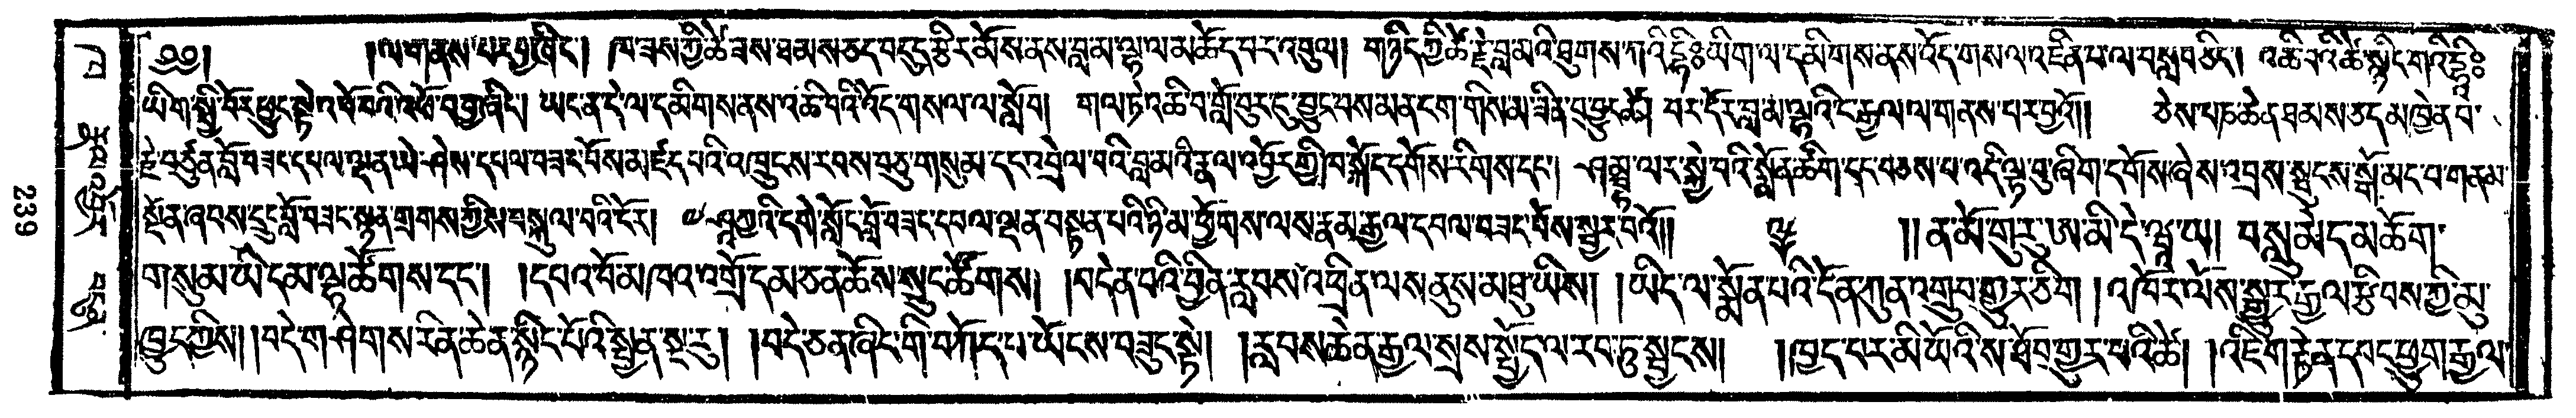༄༅། །ལ་གནས་པར་བྱ་ཞིང་། ཁ་ཟས་ཀྱི་ཚེ་ཟས་ཐམས་ཅད་བདུད་རྩིར་མོས་ནས་བླ་མ་ལྷ་ལ་མཆོད་བར་འབུལ། གཉིད་ཀྱི་ཚེ་རྗེ་བླ་མའི་ཐུགས་ཀའི་དྷིཿ ཡིག་ལ་དམིགས་ནས་འོད་གསལ་འཛིན་པ་ལ་བསླབ་ཅིང་། འཆི་བའི་ཚེ་སྙིང་གའི་དྷཱིཿ
ཡིག་སྤྱི་བོར་ཕྱུང་སྟེ་འཕོ་བའི་འཕོ་བ་བྱ་ཞིང་། ཡང་ན་དེ་ལ་དམིགས་ནས་འཆི་བའི་འོད་གསལ་ལ་སློབ། གལ་ཏེ་འཆི་བ་གློ་བུར་དུ་བྱུང་བས་མན་ངག་གིས་མ་ཟིན་པ་བྱུང་ཚེ། བར་དོར་བླ་མ་ལྷའི་ང་རྒྱལ་ལ་གནས་པར་བྱའོ།། ཅེས་པཎ་ཆེན་ཐམས་ཅད་མཁྱེན་པ་
རྗེ་བཙུན་བློ་བཟང་དཔལ་ལྡན་ཡེ་ཤེས་དཔལ་བཟང་པོས་མཛད་པའི་འཁྲུངས་རབས་བཅུ་གསུམ་དང་འབྲེལ་བའི་བླ་མའི་རྣལ་འབྱོར་གྱི་ཁ་སྐོང་དགོས་རིགས་དང་། ཤམྦྷ་ལར་སྐྱེ་བའི་སྨོན་ཚིག་དང་བཅས་པ་འདི་ལྟ་བུ་ཞིག་དགོས་ཞེས་འབྲས་སྤུངས་སྒོ་མང་བ་གནམ་
སྔོན་ཞབས་དྲུང་བློ་བཟང་སྙན་གྲགས་ཀྱིས་བསྐུལ་བའི་ངོར། ༧་ཤཱཀྱའི་དགེ་སློང་བློ་བཟང་དཔལ་ལྡན་བསྟན་པའི་ཉི་མ་ཕྱོགས་ལས་རམ་རྒྱལ་དབལ་བཟང་པོས་སྦྱར་བའོ།། ༈ །།ན་མོ་གུ་རུ་ཨ་མི་དེ་ཝ་ཡ། བསླུ་མེད་མཆོག་
གསུམ་ཡི་དམ་ལྷ་ཚོགས་དང་། །དཔའ་བོ་མཁའ་འགྲོ་དམ་ཅན་ཆོས་སྲུང་ཚོགས། །བདེན་པའི་བྱིན་རླབས་འཕྲིན་ལས་ནུས་མཐུ་ཡིས། །ཡིད་ལ་སྨོན་པའི་དོན་ཀུན་འགྲུབ་གྱུར་ཅིག །འཁོར་ལོས་སྒྱུར་རྒྱལ་རྩིབས་ཀྱི་མུ་
ཁྱུད་ཀྱིས། །བདེ་གཤེགས་རིན་ཆེན་སྙིང་པོའི་སྤྱན་སྔ་རུ། །བདེ་ཅན་ཞིང་གི་བཀོད་པ་ཡོངས་བཟུང་སྟེ། །རླབས་ཆེན་རྒྱལ་སྲས་སྤྱོད་ལ་རབ་ཏུ་སྦྱངས། །ཁྱད་པར་མི་ཡོའི་ས་ཐོབ་གྱུར་པའི་ཚེ། །འཇིག་རྟེན་དབང་ཕྱུག་རྒྱལ་